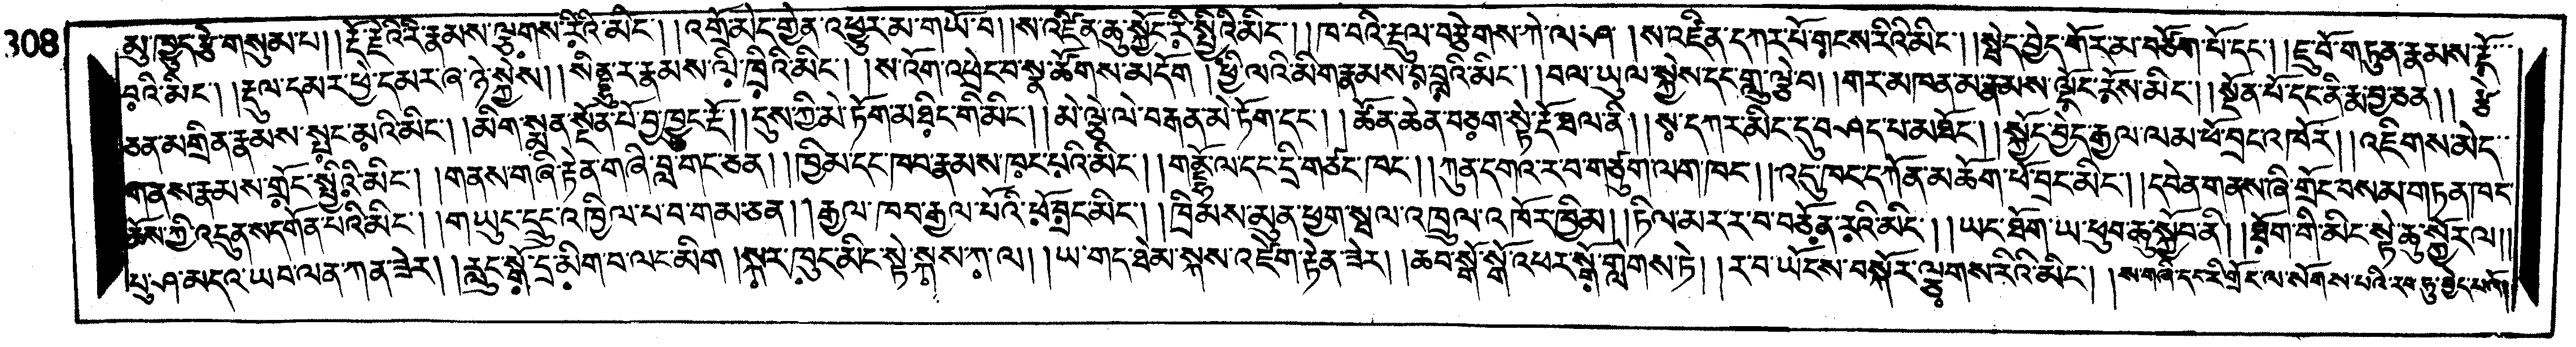མུ་ཁྱུད་རྩེ་གསུམ་པ། །རྡོ་རྗེའི་རི་རྣམས་ལྕགས྾་རིའོ྾་མིང་། །འགྲོ་མེད་གྱེན་འཕྱུར་མ་གཡོ་བ། །ས་འཛིན་ཆུ་སྐྱོང་རི྾་སྤྱིའི་མིང་། །ཁ་བའི་རྡུལ་བརྩེགས་ཀེ་ལ་ཤ། ས་འཛིན་ཀྡར་པོ་གངས་རིའི་མིང་། །སྦེད་བྱེད་གོར་མ་བཙོག་པོ་དང་། །ཇུ་བོ་གཏུན་རྣམས་རྡོ་
བའི྾་མིང་། །རྡུལ་དམར་ཕྱེ་དམར་ཞ་ཉེ་སྐྱེས། །སིནྡྷུ་ར་རྣམས་ལི྾་ཁྲིའི་མིང་། །ས་འོག་འཕྲེང་བ་སྣ་ཚོགས་མདོག །ཕྱི་ལའི་མིག་རྣམས་བ྾་བླའི྾་མིང་། །བལ་ཡུལ་སྐྱེས་དང་གླུ་ལྕེ་བ། །གར་མཁན་མ་རྣམས་ལྡོང྾་རོས྾་མིང་། །སྔོན་པོ་དང་ནི་རྨ་བྱ་ཅན། །རྩེ་
ཅན་མགྲིན་རྣམས་སྤང྾་མའི྾་མིང་། །མིག་སྨན་སྔོན་པོ་བྱ་ཁྱུང་རྡོ། །དུས་ཀྱི་མེ་ཏོག་མཐིང྾་གི་མིང་། །མེ་ལྕེ་ལེ་བརྒན་མེ་ཏོག་དང་། །ཚོན་ཆེན་བཅག྾་སྟེ་རྡོ་ཐལ་ནི། །ས྾་དཀར་མིང་དུ་བཤད་པ་མཐོང་། །སྐྱོང་བྱེད་རྒྱལ་ལམ་ཕོ་བྲང་འཁོར། །འཇིགས་མེད་
གནས་རྣམས་གྲོང྾་སྤྱཱི྾་མིང་། །གནས་གཞི་རྟེན་གཞི་བླ་གང་ཅན། །ཁྱིམ་དང་ཁབ་རྣམས་ཁང྾་པའི྾་མིང་། །གནྡྷོ་ལ་དང་དྲི་གཙང་ཁང་། །ཀུན་དགའ་དང་ར་བ་གཙུག་ལག་ཁང་། །འདུ་ཁ་དཀོན་མཆོག་ཕོ་བྲང་མིང་། །དབེན་གནས་ཞི་གྲོང་བསམ་གཏན་ཁང་
ཆོས་ཀྱི་འདུན་ས་དགོན་པའི་མིང་། །གཡུང་དྲུང་འཁྱིལ་པ་བ་གམ་ཅན། །རྒྱལ་ཁབ་རྒྱལ་པོའི་ཕོ྾་བྲང྾་མིང་། །ཁྲིམས་མུན་ཕྱག་སྦལ་འཁྲུལ་འཁོར་ཁྱིམ། །ཏིལ་མར་ར་བ་བཅོན྾་རའི྾་མིང་། །ཡང་ཐོག་ཡ་ཕུབ་ཆུ་སྐྱོབ་ནི། །ཐོག྾་གི་མིང་སྟེ་ཆུ་སྐྱོར་ལ།།
པུ་ཤ་མདའ་ཡབ་ལན་ཀན་ཟེར། །རླུང་སྒོ྾་དྲ་མིག་བ་ལང་མིག །སྐར྾་ཁུང྾་མིང་སྟེ་སྐས྾་ཀ྾་ལ། །ཡ་གད་ཐེམ་སྐས་འཛེག་རྟེན་ཟེར། །ཆབ་སྒོ་སྒོ་འཕར་སྒོ྾་གླེགས་ཏེ། །ར་བ་ཡོངས་བསྐོར་ལྕགས྾་རིའི་མིང་། །ས་གཞི་དང་རི་གྲོང་ལ་སོགས་པའི་རབ་ཏུ་བྱེད་པའོ།